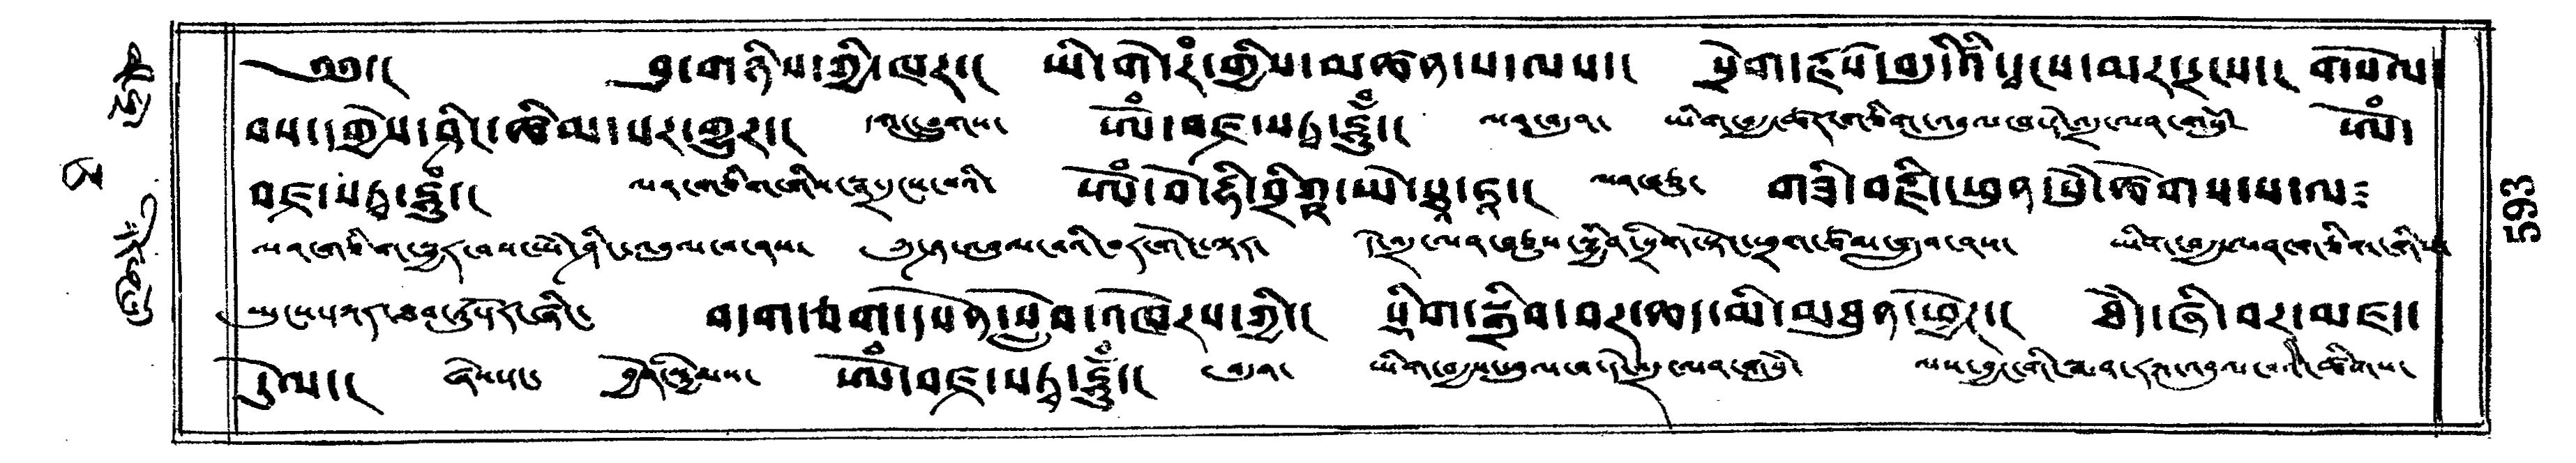བུ་གཉིས་ཀྱི་ཁར། །ཡི་གེ་རཾ་གྱིས་མཚན་པ་ལས། །སྲེག་རྫས་བདུད་རྩིའི་དྭངས་མར་དྲངས། །གསོལ་
བས་དགྱེས་ཤིང་ཚིམ་པར་གྱུར། དགང་བླུགས། ཨོཾ་བཛྲ་ས་ཏྭ་ཧཱུྃ། ལན་བདུན། ཡིག་བརྒྱ་ཚར་གཅིག་འབུལ་བ་དེ་འདྲ་ལན་གསུམ། ཨོཾ་
བཛྲ་ས་ཏྭ་ཧཱུྃ། ལན་གཅིག་གིས་སྣ་དྲངས་པའི། ཨོཾ་བོ་དྷི་བྲིཀྵ་ཡེ་སྭ་ཧཱ། ལན་བཅུ། གཟི་བརྗིད་ཕུན་སུམ་ཚོགས་པ་ལ༴ 
ལན་གཅིག་སྦྱར་བས་ཡམ་ཤིང་འབུལ་བ་ནས། ཀུ་ཤ་འབུལ་བའི་བར་གོང་ལྟར། དེ་འདྲ་ལན་བཅུས་སྦྱིན་སྲེག་སྟོང་ཕྲག་ཙམ་གྲུབ་ནས། ཡིག་བརྒྱ་ལན་གཅིག་གིས་
ཡུངས་དཀར་ཐབ་ཏུ་དོར་ཞིང་། བདག་ཅག་དཔོན་སློབ་འཁོར་འདས་ཀྱི། །སྡིག་སྒྲིབ་བར་ཆད་མི་མཐུན་ཕྱོགས། །ཐམས་ཅད་ཞི་བར་མཛད་
དུ་གསོལ། ཞེས་དང་། བྱོན་སྐྱེམས། ཨོཾ་བཛྲ་ས་ཏྭ་ཧཱུྃ། བདུན། ཡིག་བརྒྱས་ཕུལ་བ་དེ་འདྲ་ལན་གསུམ། ལས་བྱང་གི་སྨན་རཀ་འབུལ་བའི་ཚིགས་